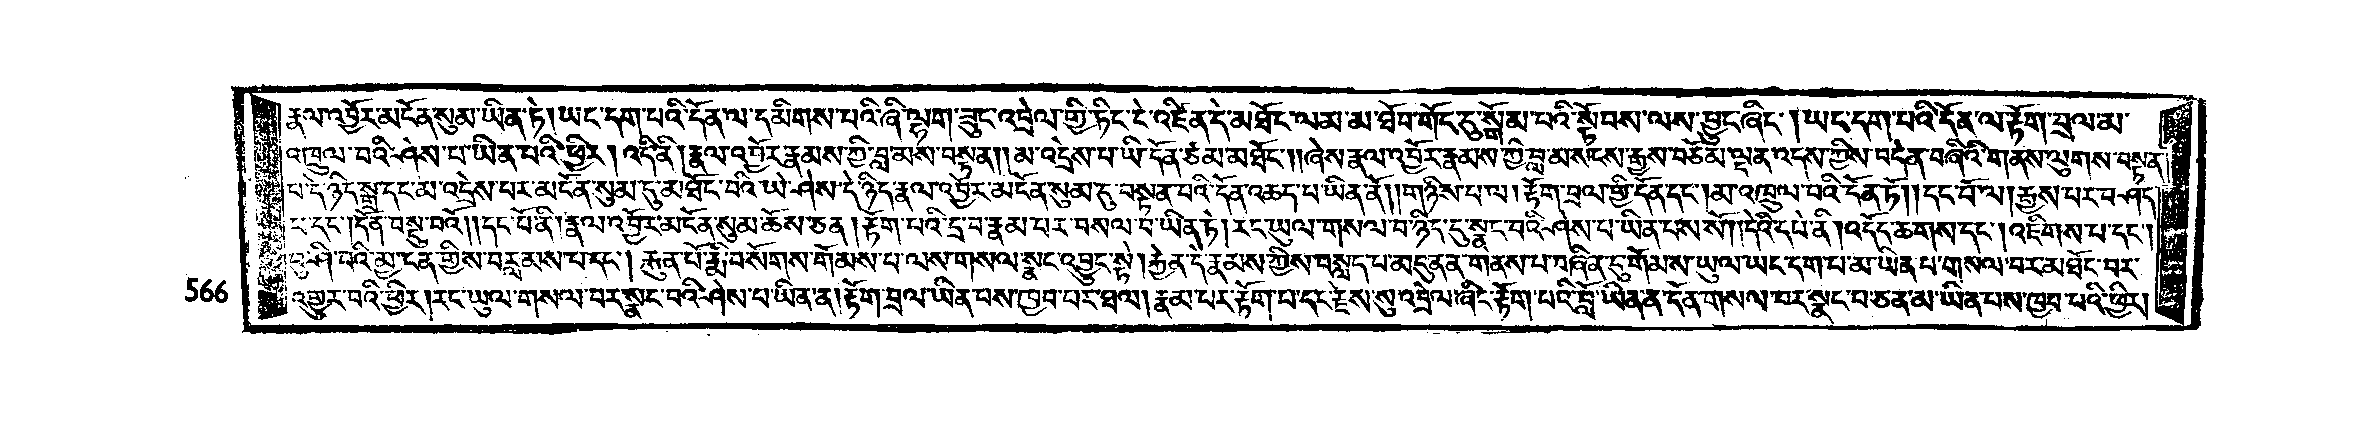རྣལ་འབྱོར་མངོན་སུམ་ཡིན་ཏེ། ཡང་དག་པའི་དོན་ལ་དམིགས་པའི་ཞི་ལྷག་ཟུང་འབྲེལ་གྱི་ཏིང་ངེ་འཛིན་དེ་མཐོང་ལམ་མ་ཐོབ་གོང་དུ་སྒོམ་པའི་སྟོབས་ལས་བྱུང་ཞིང་། ཡང་དག་པའི་དོན་ལ་རྟོག་བྲལ་མ་
འཁྲུལ་བའི་ཤེས་པ་ཡིན་པའི་ཕྱིར། འདི་ནི། རྣལ་འབྱོར་རྣམས་ཀྱི་བླ་མས་བསྟན། །མ་འདྲེས་པ་ཡི་དོན་ཙམ་མཐོང་། །ཞེས་རྣལ་འབྱོར་རྣམས་ཀྱི་བླ་མ་སངས་རྒྱས་བཅོམ་ལྡན་འདས་ཀྱིས་བདེན་བཞིའི་གནས་ལུགས་བསྟན་
པ་དེ་ཉིད་སྒྲ་དང་མ་འདྲེས་པར་མངོན་སུམ་དུ་མཐོང་བའི་ཡེ་ཤེས་དེ་ཉིད་རྣལ་འབྱོར་མངོན་སུམ་དུ་བསྟན་པའི་དོན་འཆད་པ་ཡིན་ནོ། །གཉིས་པ་ལ། རྟོག་བྲལ་གྱི་དོན་དང་། མ་འཁྲུལ་པའི་དོན་ཏོ། །དང་པོ་ལ། རྒྱས་པར་བཤད་
པ་དང་། དབང་བསྡུ་བའོ། །དང་པོ་ནི། རྣལ་འབྱོར་མངོན་སུམ་ཆོས་ཅན། རྟོག་པའི་དྲ་བ་རྣམ་པར་བསལ་བ་ཡིན་ཏེ། རང་ཡུལ་གསལ་བ་ཉིད་དུ་སྣང་བའི་ཤེས་པ་ཡིན་པས་སོ། །དེའི་དཔེ་ནི། འདོད་ཆགས་དང་། འཇིགས་པ་དང་།
བུ་ཤི་པའི་མྱ་ངན་གྱིས་བརླམས་པ་དང་། རྐུན་པོ་རྨི་བ་སོགས་གོམས་པ་ལས་གསལ་སྣང་འབྱུང་སྟེ། རྐྱེན་དེ་རྣམས་ཀྱིས་བསླད་པ་མདུན་ན་གནས་པ་བཞིན་དུ་གོམས་ཡུལ་ཡང་དག་པ་མ་ཡིན་པ་གསལ་བར་མཐོང་བར་
འགྱུར་བའི་ཕྱིར། རང་ཡུལ་གསལ་བར་སྣང་བའི་ཤེས་པ་ཡིན་ན། རྟོག་བྲལ་ཡིན་པས་ཁྱབ་པར་ཐལ། རྣམ་པར་རྟོག་པ་དང་རྗེས་སུ་འབྲེལ་ཞིང་རྟོག་པའི་བློ་ཡིན་ན་དོན་གསལ་བར་སྣང་བ་ཅན་མ་ཡིན་པས་ཁྱབ་པའི་ཕྱིར།